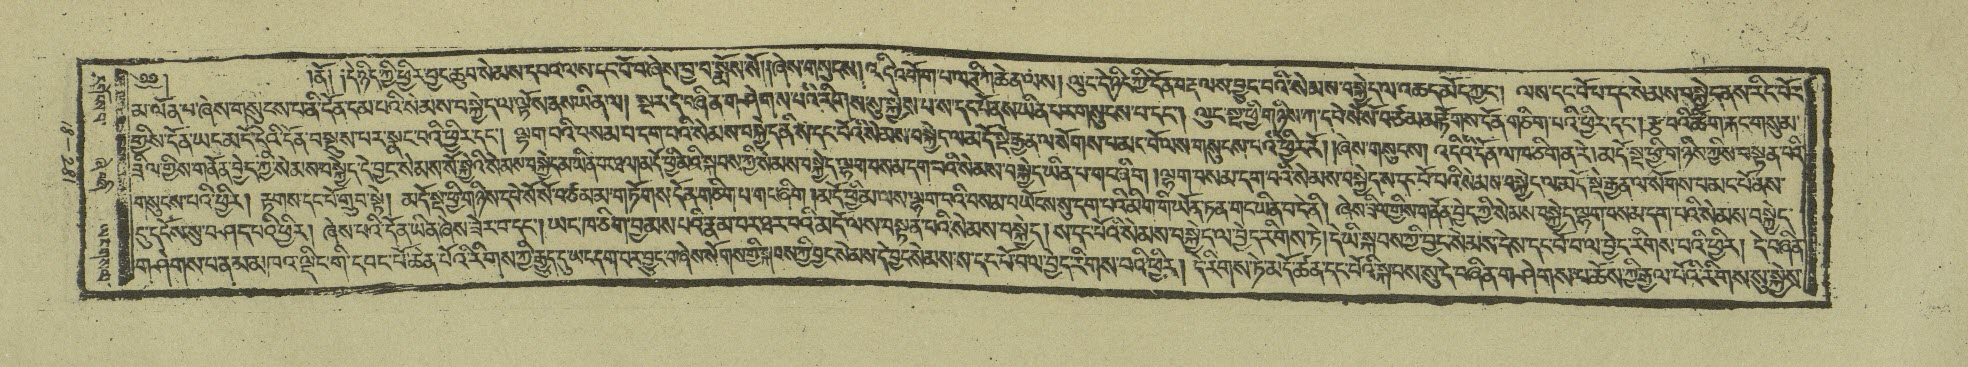༄༅། །ནོ། །དེ་ཉིད་ཀྱི་ཕྱིར་བྱང་ཆུབ་སེམས་དཔའ་ལས་དང་པོ་བ་ཞེས་བྱ་བ་སྨོས་སོ། །ཞེས་གསུངས། འདི་འགོག་པ་ལ་ཊིཀ་ཆེན་ལས། ལུང་དེ་ཉིད་ཀྱི་དོན་བརྡ་ལས་བྱུང་བའི་སེམས་བསྐྱེད་ལ་འཆད་མོད་ཀྱང་། ལས་དང་པོ་པ་དང་སེམས་བསྐྱེད་ནས་རིང་པོར་
མ་ལོན་པ་ཞེས་གསུངས་པ་ནི་དོན་དམ་པའི་སེམས་བསྐྱེད་ལ་ལྟོས་ནས་ཡིན་ལ། སྔར་དེ་བཞིན་གཤེགས་པའི་རིགས་སུ་སྐྱེས་པ་ས་དང་པོ་ནས་ཡིན་པར་གསུངས་པ་དང་། ལུང་སྔ་ཕྱི་གཉིས་ཀ་དཔེ་སོ་སོ་བ་ཙམ་མ་རྟོགས་དོན་གཅིག་པའི་ཕྱིར་དང་། རྩ་བའི་ཚིག་རྐང་གསུམ་
གྱིས་དོན་ཡང་མདོ་དེའི་དོན་བསྡུས་པར་སྣང་བའི་ཕྱིར་དང་། ལྷག་པའི་བསམ་པ་དག་པའི་སེམས་བསྐྱེད་ནི་ས་དང་པོའི་སེམས་བསྐྱེད་ལ་མདོ་སྡེ་རྒྱན་ལ་སོགས་པ་མང་པོ་ལས་གསུངས་པའི་ཕྱིར་རོ། །ཞེས་གསུངས། འདིའི་དོན་ལ་ཁ་ཅིག་ན་རེ། མདོ་སྔ་ཕྱི་གཉིས་ཀྱིས་བསྟན་པའི་
ཟིལ་གྱིས་གནོན་བྱེད་ཀྱི་སེམས་བསྐྱེད་དེ་བྱང་སེམས་སོ་སྐྱེའི་སེམས་བསྐྱེད་མ་ཡིན་པར་ཐལ། མདོ་ཕྱི་མའི་སྐབས་ཀྱི་སེམས་བསྐྱེད་ལྷག་བསམ་དག་པའི་སེམས་བསྐྱེད་ཡིན་པ་གང་ཞིག །ལྷག་བསམ་དག་པའི་སེམས་བསྐྱེད་ས་དང་པོ་བའི་སེམས་བསྐྱེད་ལ་མདོ་སྡེ་རྒྱན་ལ་སོགས་པ་མང་པོ་ནས་
གསུངས་པའི་ཕྱིར། རྟགས་དང་པོ་གྲུབ་སྟེ། མདོ་སྔ་ཕྱི་གཉིས་དཔེ་སོ་སོ་བ་ཙམ་མ་གཏོགས་དོན་གཅིག་པ་གང་ཞིག །མདོ་ཕྱི་མ་ལས་ལྷག་པའི་བསམ་པ་ཡོངས་སུ་དག་པའི་མིག་གི་ཡོན་ཏན་གང་ཡིན་པ་དེ་ནི། ཞེས་ཟིལ་གྱིས་གནོན་བྱེད་ཀྱི་སེམས་བསྐྱེད་ལྷག་བསམ་དག་པའི་སེམས་བསྐྱེད་
དུ་དངོས་སུ་བཤད་པའི་ཕྱིར། ཞེས་པའི་དོན་ཡིན་ཞེས་ཟེར་བ་དང་། ཡང་ཁ་ཅིག་བྱམས་པའི་རྣམ་པར་ཐར་པའི་མདོ་ལས་བསྟན་པའི་སེམས་བསྐྱེད། ས་དང་པོའི་སེམས་བསྐྱེད་ལ་བྱེད་རིགས་ཏེ། དེ་ཡི་སྐབས་ཀྱི་བྱང་སེམས་དེས་དང་པོ་བ་ལ་བྱེད་རིགས་པའི་ཕྱིར། དེ་བཞིན་
གཤེགས་པ་ནམ་མཁའ་ལྡིང་གི་དབང་པོ་ཆེན་པོའི་རིགས་ཀྱི་རྒྱུད་དུ་ཡང་དག་བར་བྱུང་བ་ཞེས་སོགས་ཀྱི་སྐབས་ཀྱི་བྱང་སེམས་དེ་བྱང་སེམས་དང་པོ་བ་ལ་བྱེད་རིགས་པའི་ཕྱིར། དེ་རིགས་ཏེ་མདོ་ཚན་དང་པོའི་སྐབས་སུ་དེ་བཞིན་གཤེགས་པ་ཆོས་ཀྱི་རྒྱལ་པོའི་རིགས་སུ་སྐྱེས་